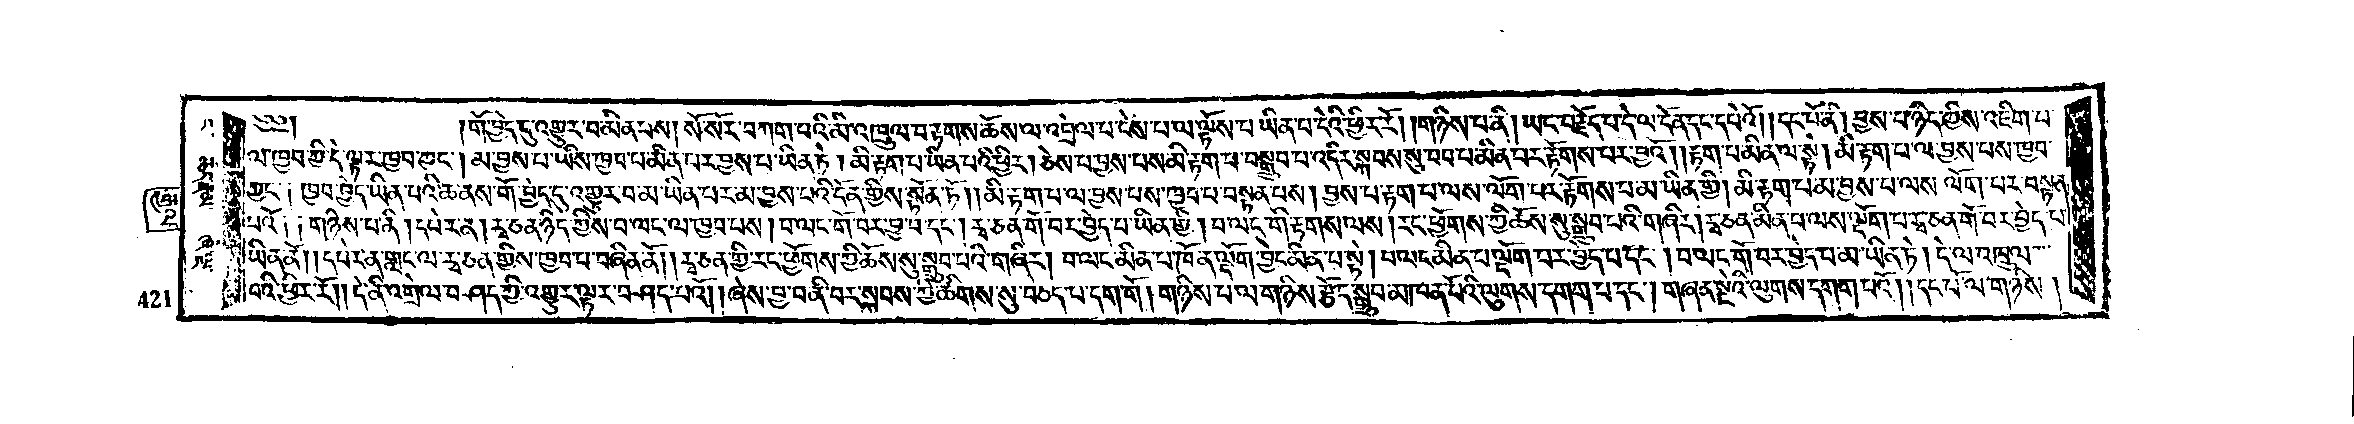༄༅། །གོ་བྱེད་དུ་འགྱུར་བ་མིན་པས། སོ་སོར་བཀག་པའི་མི་འཁྲུལ་བརྟགས་ཆོས་ལ་འབྲེལ་པ་ངེས་པ་ལ་ལྟོས་པ་ཡིན་པའི་དེའི་ཕྱིར་རོ། །གཉིས་པ་ནི། ཡང་བརྗོད་པ་དེ་ལ་དོན་དང་དཔེའོ། །དང་པོ་ནི། བྱས་པ་ཉིད་ཀྱིས་འཇིག་པ་
ལ་ཁྱབ་ཀྱི་དེ་ལྟར་ཁྱབ་ཀྱང་། མ་བྱས་པ་ཡིས་ཁྱབ་པ་མིན་པར་བྱས་པ་ཡིན་ཏེ། མི་རྟག་པ་ཡིན་པའི་ཕྱིར། ཅེས་པ་བྱས་པས་མི་རྟག་པ་བསྒྲུབ་པ་འདིར་སྐབས་སུ་བབ་པ་མིན་པར་རྟོགས་པར་བྱའོ། །རྟག་པ་མིན་ལ་སྟེ། མི་རྟག་པ་ལ་བྱས་པས་ཁྱབ་
ཀྱང༑ ཁྱབ་བྱེད་ཡིན་པའི་ཆ་ནས་གོ་བྱེད་དུ་འགྱུར་བ་མ་ཡིན་པར་མ་བྱས་པའི་དོན་གྱིས་སྟོན་ཏོ། །མི་རྟག་པ་བྱས་པས་ཁྱབ་པ་བསྟན་པས། བྱས་པ་རྟག་པ་ལས་ལོག་པར་རྟོགས་པ་མ་ཡིན་གྱི། མི་རྟག་པ་མ་བྱས་པ་ལས་ལོག་པར་བསྟན་
པའོ༑ ༑གཉིས་པ་ནི། དཔེར་ན། རVཨ་ཅན་ཉིད་ཀྱིས་བ་ལང་ལ་ཁྱབ་པས། བ་ལང་གོ་བར་བྱ་བ་དང་། རVཨ་ཅན་གོ་བར་བྱེད་པ་ཡིན་གྱི། བ་ལང་གི་རྟགས་ལས། རང་ཕྱོགས་ཀྱི་ཆོས་སུ་སྒྲུབ་པའི་གཞིར། རVཨ་ཅན་མིན་པ་ལས་ལྡོག་པ་རVཨ་ཅན་གོ་བར་བྱེད་པ་
ཡིན་ནོ། །དཔེར་ན་གླང་ལ་རVཨ་ཅན་ཁྱབ་པ་བཞིན་ནོ། །རVཨ་ཅན་གྱི་རང་ཕྱོགས་ཀྱི་ཆོས་སུ་སྒྲུབ་པའི་གཞིར། བ་ལང་མིན་པ་ཁོ་ན་ལྡོག་བྱེད་མིན་པ་སྟེ། བ་ལང་མིན་པ་ལྡོག་པར་བྱེད་པ་དང་། བ་ལང་གོ་བར་བྱེད་པ་མ་ཡིན་ཏེ། དེ་ལ་འཁྲུལ་
བའི་ཕྱིར་རོ། །དེ་ནི་འགྲེལ་བཤད་ཀྱི་འགྱུར་ལྟར་བཤད་པའོ། །ཞེས་བྱ་བ་ནི་བར་སྐབས་ཀྱི་ཚིགས་སུ་བཅད་པ་དག་གོ །གཉིས་པ་ལ་གཉིས་རྩོད་སྒྲུབ་མཁན་པོའི་ལུགས་དགག་པ་དང་། གཞན་སྔེའི་ལུགས་དགག་པའོ། །དང་པོ་ལ་གཉིས།